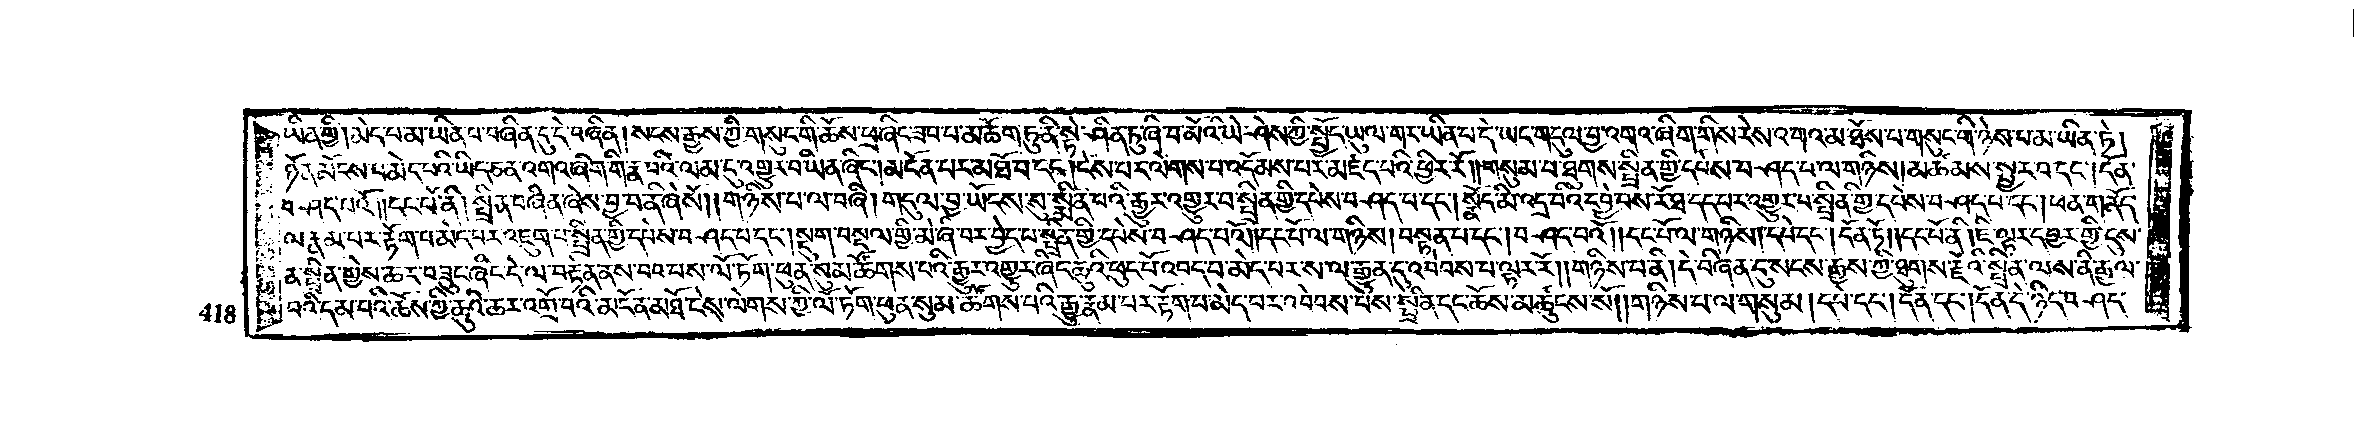ཡིན་གྱི། མེད་པ་མ་ཡིན་པ་བཞིན་དུ་དེ་བཞིན། སངས་རྒྱས་ཀྱི་གསུང་གི་ཆོས་ཕྲ་ཞིང་ཟབ་པ་མཆོག་ཏུ་ནི་སྟེ་ཤིན་ཏུ་ཞི་བ་མོའི་ཡེ་ཤེས་ཀྱི་སྤྱོད་ཡུལ་གར་ཡིན་པ་དེ་ཡང་གདུལ་བྱ་འགའ་ཞིག་གིས་རེས་འགའ་མ་ཐོས་པ་གསུང་གི་ཉེས་པ་མ་ཡིན་ཏེ།
ཉོན་མོངས་པ་མེད་པའི་ཡིད་ཅན་འགའ་ཞིག་གི་རྣ་བའི་ལམ་དུ་འགྱུར་བ་ཡིན་ཞིང་། མངོན་པར་མཐོ་བ་དང་། ངེས་པར་ལེགས་པ་འདོམས་པར་མཛད་པའི་ཕྱིར་རོ། །གསུམ་པ་ཐུགས་སྤྲིན་གྱི་དཔེས་བཤད་པ་ལ་གཉིས། མཚམས་སྦྱར་བ་དང་། དོན་
བཤད་པའོ། །དང་པོ་ནི། སྤྲིན་བཞིན་ཞེས་བྱ་བ་ནི་ཞེས་སོ། །གཉིས་པ་ལ་བཞི། གདུལ་བྱ་ཡོངས་སུ་སྨིན་པའི་རྒྱུར་འགྱུར་བ་སྤྲིན་གྱི་དཔེས་བཤད་པ་དང་། སྣོད་མི་འདྲ་བའི་དབྱེ་བས་རོ་ཐ་དད་པར་འགྱུར་པ་སྤྲིན་གྱི་དཔེས་བཤད་པ་དང་། ཕན་གནོད་
ལ་རྣམ་པར་རྟོག་པ་མེད་པར་འཇུག་པ་སྤྲིན་གྱི་དཔེས་བཤད་པ་དང་། སྡུག་བསྔལ་གྱི་མེ་ཞི་བར་བྱེད་པ་སྤྲིན་གྱི་དཔེས་བཤད་པའོ། །དང་པོ་ལ་གཉིས། བསྟན་པ་དང་། བཤད་པའོ། །དང་པོ་ལ་གཉིས། དཔེ་དང་། དོན་ཏོ། །དང་པོ་ནི། ཇི་ལྟར་དབྱར་གྱི་དུས་
ན་སྤྲིན་གྱེས་ཆར་བཟུང་ཞིང་དེ་ལ་བརྟེན་ནས་བབ་པས་ལོ་ཏོག་ཕུན་སུམ་ཚོགས་པའི་རྒྱུར་འགྱུར་ཞིང་ཆུའི་ཕུང་པོ་འབད་པ་མེད་པར་ས་ལ་རྒྱུན་དུ་འབེབས་པ་ལྟར་རོ། །གཉིས་པ་ནི། དེ་བཞིན་དུ་སངས་རྒྱས་ཀྱི་ཐུགས་རྫོའི་སྤྲིན་ལས་ནི་རྒྱལ་
བའི་དམ་པའི་ཆོས་ཀྱི་ཆུའི་ཆར་འགྲོ་བའི་མངོན་མཐོ་ངེས་ལེགས་ཀྱི་ལོ་ཏོག་ཕུན་སུམ་ཚོགས་པའི་རྒྱུ་རྣམ་པར་རྟོག་པ་མེད་པར་འབེབས་པས་སྤྲིན་དང་ཆོས་མཚུངས་སོ། །གཉིས་པ་ལ་གསུམ། དཔེ་དང་། དོན་དང་། དོན་དེ་ཉིད་བཤད་